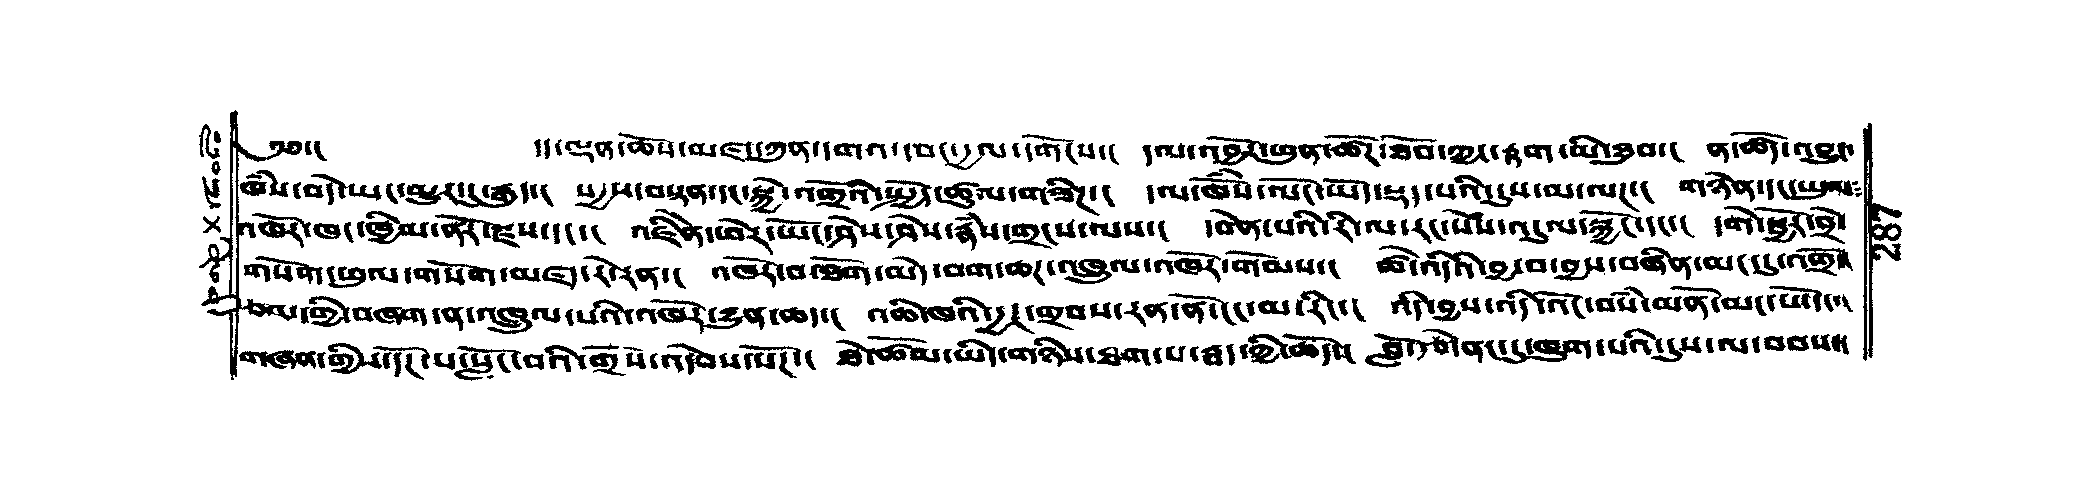དད་ལྡན་ཆོས་མཛད་ཀུན་དགའ་དབང་རྒྱལ་དགོངས། །དལ་འབྱོར་ཕུན་ཚོགས་ཐོབ་ཀྱང་རྟག་མི་ཐུབ། །ན་ཚོད་འབྱུང་
ཁམས་བདེ་ཡང་མྱུར་དུ་རྒུད། །སངས་རྒྱས་བསྟན་དང་སྐྱེ་འགྲོའི་སྤྱོད་ཚུལ་གཟིགས། །དལ་ཁོམས་ལོང་ཡོད་སྡོད་པའི་དུས་མ་ལགས། །གཉེན་དང་ཡུལ་
འཁོར་ཁང་ཁྱིམ་ནོར་རྫས་དང་། །འཇིག་རྟེན་ཕེར་ཡོང་ཤེས་ཤེས་རྣམ་གྲངས་ལས། །དབེན་པའི་རི་ལ་རང་སེམས་འདུལ་སྐྱོང་དང་། །དགེ་སྦྱོར་བྲེ་
གསོག་ཕུལ་གསོག་མཛད་རེ་རན། །འཁོར་བ་ཐོག་མེད་བག་ཆགས་འཁྲུལ་འཁོར་གོམས། །ཚེ་འདིའི་བྱ་བ་བྱས་བཞིན་མང་དུ་འགྲོ། །
ཅམ་གྱི་གཞག་ན་འཁྲུལ་པའི་འཁོར་རྒྱུན་ཆད། །འཆི་ཁའི་རྒྱགས་གྲབས་རན་ནོ་ངང་མ་རིང་། །འདི་བྱས་འདི་འོང་བསམ་མནོ་མང་པོ་དང་། །
གཞན་གྱིས་དོགས་པ་སློང་བའི་གྲོས་འདེབས་སོགས། །ཐེ་ཚོམ་ཡིད་གཉིས་ཐག་པ་རྦད་ཀྱི་ཆོད། །བློ་རྩེ་ནང་དུ་ཁུག་པའི་དུས་ལ་བབས།